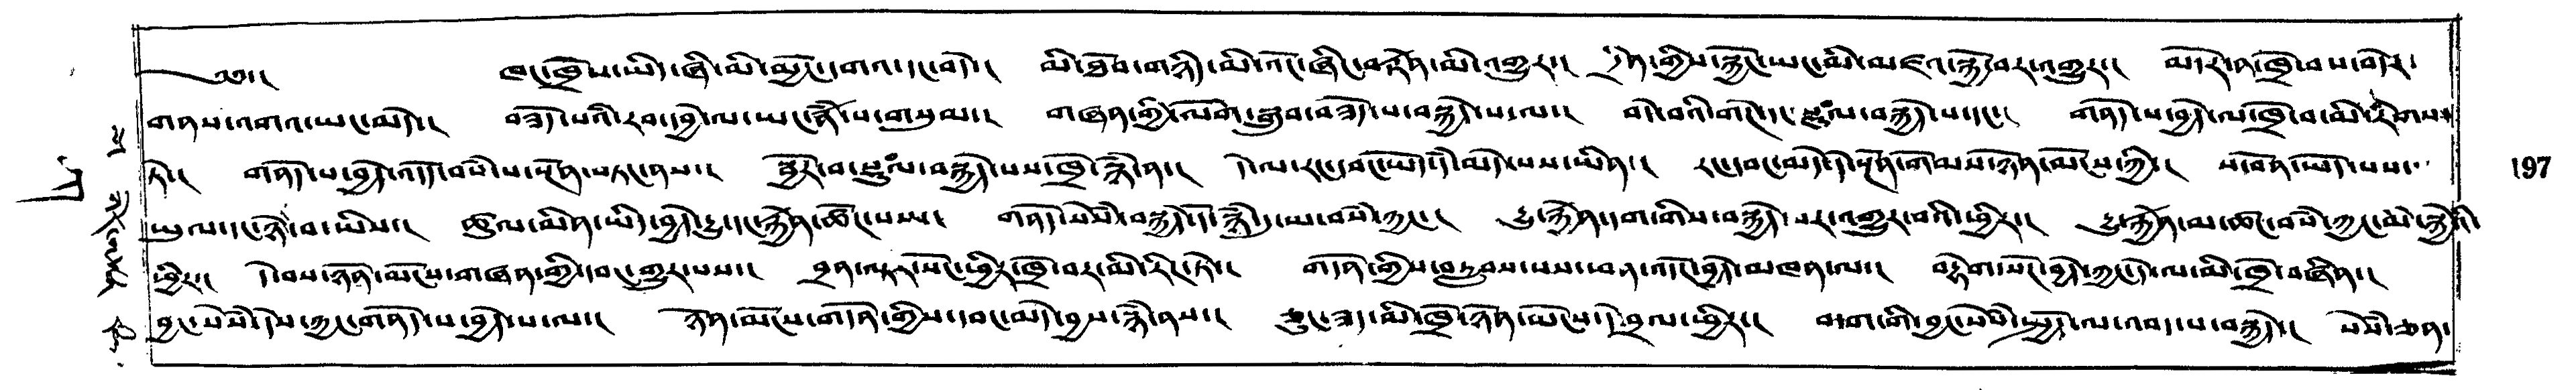ཁོང་ཁྲོས་ཡིད་ཞི་མི་མྱོང་དགའ་དང་བདེ། །མི་འཐོབ་གཉིད་མི་འོང་ཞིང་བརྟེན་མི་འགྱུར། །དྲིན་གྱིས་སྐྱོང་ཡང་མི་མཛའ་སྐྱོ་བར་འགྱུར། །མདོར་ན་ཁྲོ་བས་བདེར་
གནས་འགའ་ཡང་མེད། །བཟོད་པའི་རབ་དབྱེ་ལ་ཡང་རྣམ་པ་གསུམ། །གཞན་གྱིས་ལོག་སྒྲུབ་བཟོད་པ་བསྐྱེད་པ་ལ། །བདེ་བའི་གེགས་དང་སྡུག་བསྔལ་བསྐྱེད་པ་དང་། །གནོད་པ་བྱེད་ལ་ཁྲོ་བ་མི་རིགས་
ཏེ། །གནོད་པ་བྱེད་འདོད་བསམ་པ་སྔོན་བཏང་ནས། །སྦྱོར་བ་སྡུག་བསྔལ་བསྐྱེད་པས་ཁྲོ་སྙམ་ན། །དེ་ལ་རང་དབང་ཡོད་དམ་མེད་པས་ཡིན། །རང་དབང་མེད་དེ་སྔོན་གོམས་ཉོན་མོངས་ཀྱི། །ས་བོན་ཡོད་པས་
ཡུལ་དང་ཉེ་བ་ཡིས། །ཚུལ་མིན་ཡིད་བྱེད་རྒྱུ་དང་རྐྱེན་ཚོགས་པས། །གནོད་སེམས་བསྐྱེད་དོ་སྙམ་དུ་མ་བསམ་ཡང་། །རྒྱུ་རྐྱེན་དག་གིས་བསྐྱེད་བར་འགྱུར་བའི་ཕྱིར། །རྒྱུ་རྐྱེན་མ་ཚང་བསམ་ཡང་མི་སྐྱེའི་
ཕྱིར། །དེ་བས་ཉོན་མོངས་གཞན་གྱི་དབང་གྱུར་པས། །བྲན་ལྟར་སོང་ཕྱིར་ཁྲོ་བར་མི་རིགས་ཏེ། །གདོན་གྱིས་བརླམས་པས་ཕན་འདོགས་བྱེད་མཁན་ལ། །བརྡེག་སོགས་བྱེད་ཀྱང་དེ་ལ་མི་ཁྲོ་བཞིན། །
བྱང་སེམས་དེས་ཀྱང་གནོད་པ་བྱེད་པ་ལ། །ཉོན་མོངས་གདོན་གྱིས་དབང་མེད་བྱས་སྙམ་ནས། །ཅུང་ཟད་མི་ཁྲོ་ཉོན་མོངས་དེ་བྲལ་ཕྱིར། །བདག་གི་བྱང་སེམས་སྤྱོད་ལ་འབད་པ་བསྐྱེད། །སེམས་ཅན་